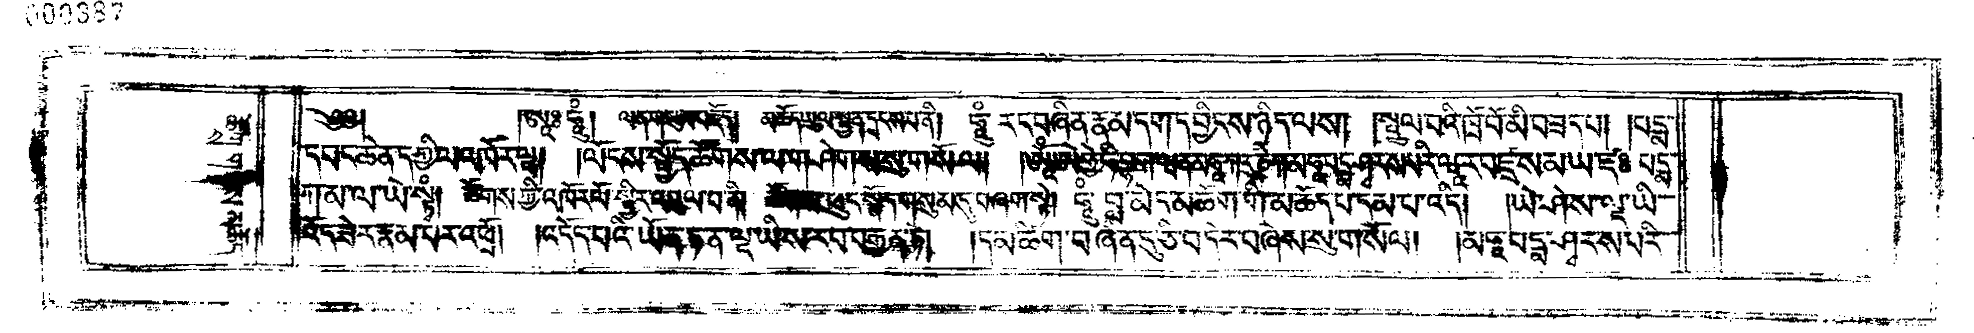༄༅། །ཨཱཿ ཧཱུཾ། ལན་གསུམ་བརྗོད། མཆོད་ཡུལ་སྤྱན་དྲངས་པ་ནི།  ཧཱུཾ་རང་བཞིན་རྣམ་དག་དབྱིངས་ཉིད་ལས། །སྤྲུལ་བའི་ཁྲོ་བོ་མི་བཟད་པ། །པདམ་
དབང་ཆེན་དཀྱིལ་འཁོར་ལྷ། །ལོངས་སྤྱོད་ཚོགས་ལ་གཤེགས་སུ་གསོལ། །OM་ཨེ་ཧྱེ་ཧི་བྷག་ཝན་མཧཱ་ཀ་རུ་ཎི་ཀ་མཧཱ་པདམ་ཤྭར་ས་པ་རི་ཝཱ་ར་བཛྲ་ས་མ་ཡ་ཛཿ པདམ་
ཀ་མ་ལ་ཡེ་སྟྭཾ། ཚོགས་ཀྱི་འཁོར་ལོ་སྤྱིར་འབུལ་བ་ནི། ཚོགས་ཕུང་སྣོད་གསུམ་དུ་བཞག་སྟེ།  ཧཱུཾ་བླ་མེད་མཆོག་གི་མཆོད་པ་དམ་པ་འདི། །ཡེ་ཤེས་ལྔ་ཡི་
འོད་ཟེར་རྣམ་པར་འཕྲོ། །འདོད་པའི་ཡོན་ཏན་ལྔ་ཡིས་རབ་བརྒྱན་ཏེ། །དམ་ཚིག་བཞིན་དུ་ཅི་བདེར་བཞེས་སུ་གསོལ། །མཧཱ་པདམ་ཤྭར་ས་པ་རི་